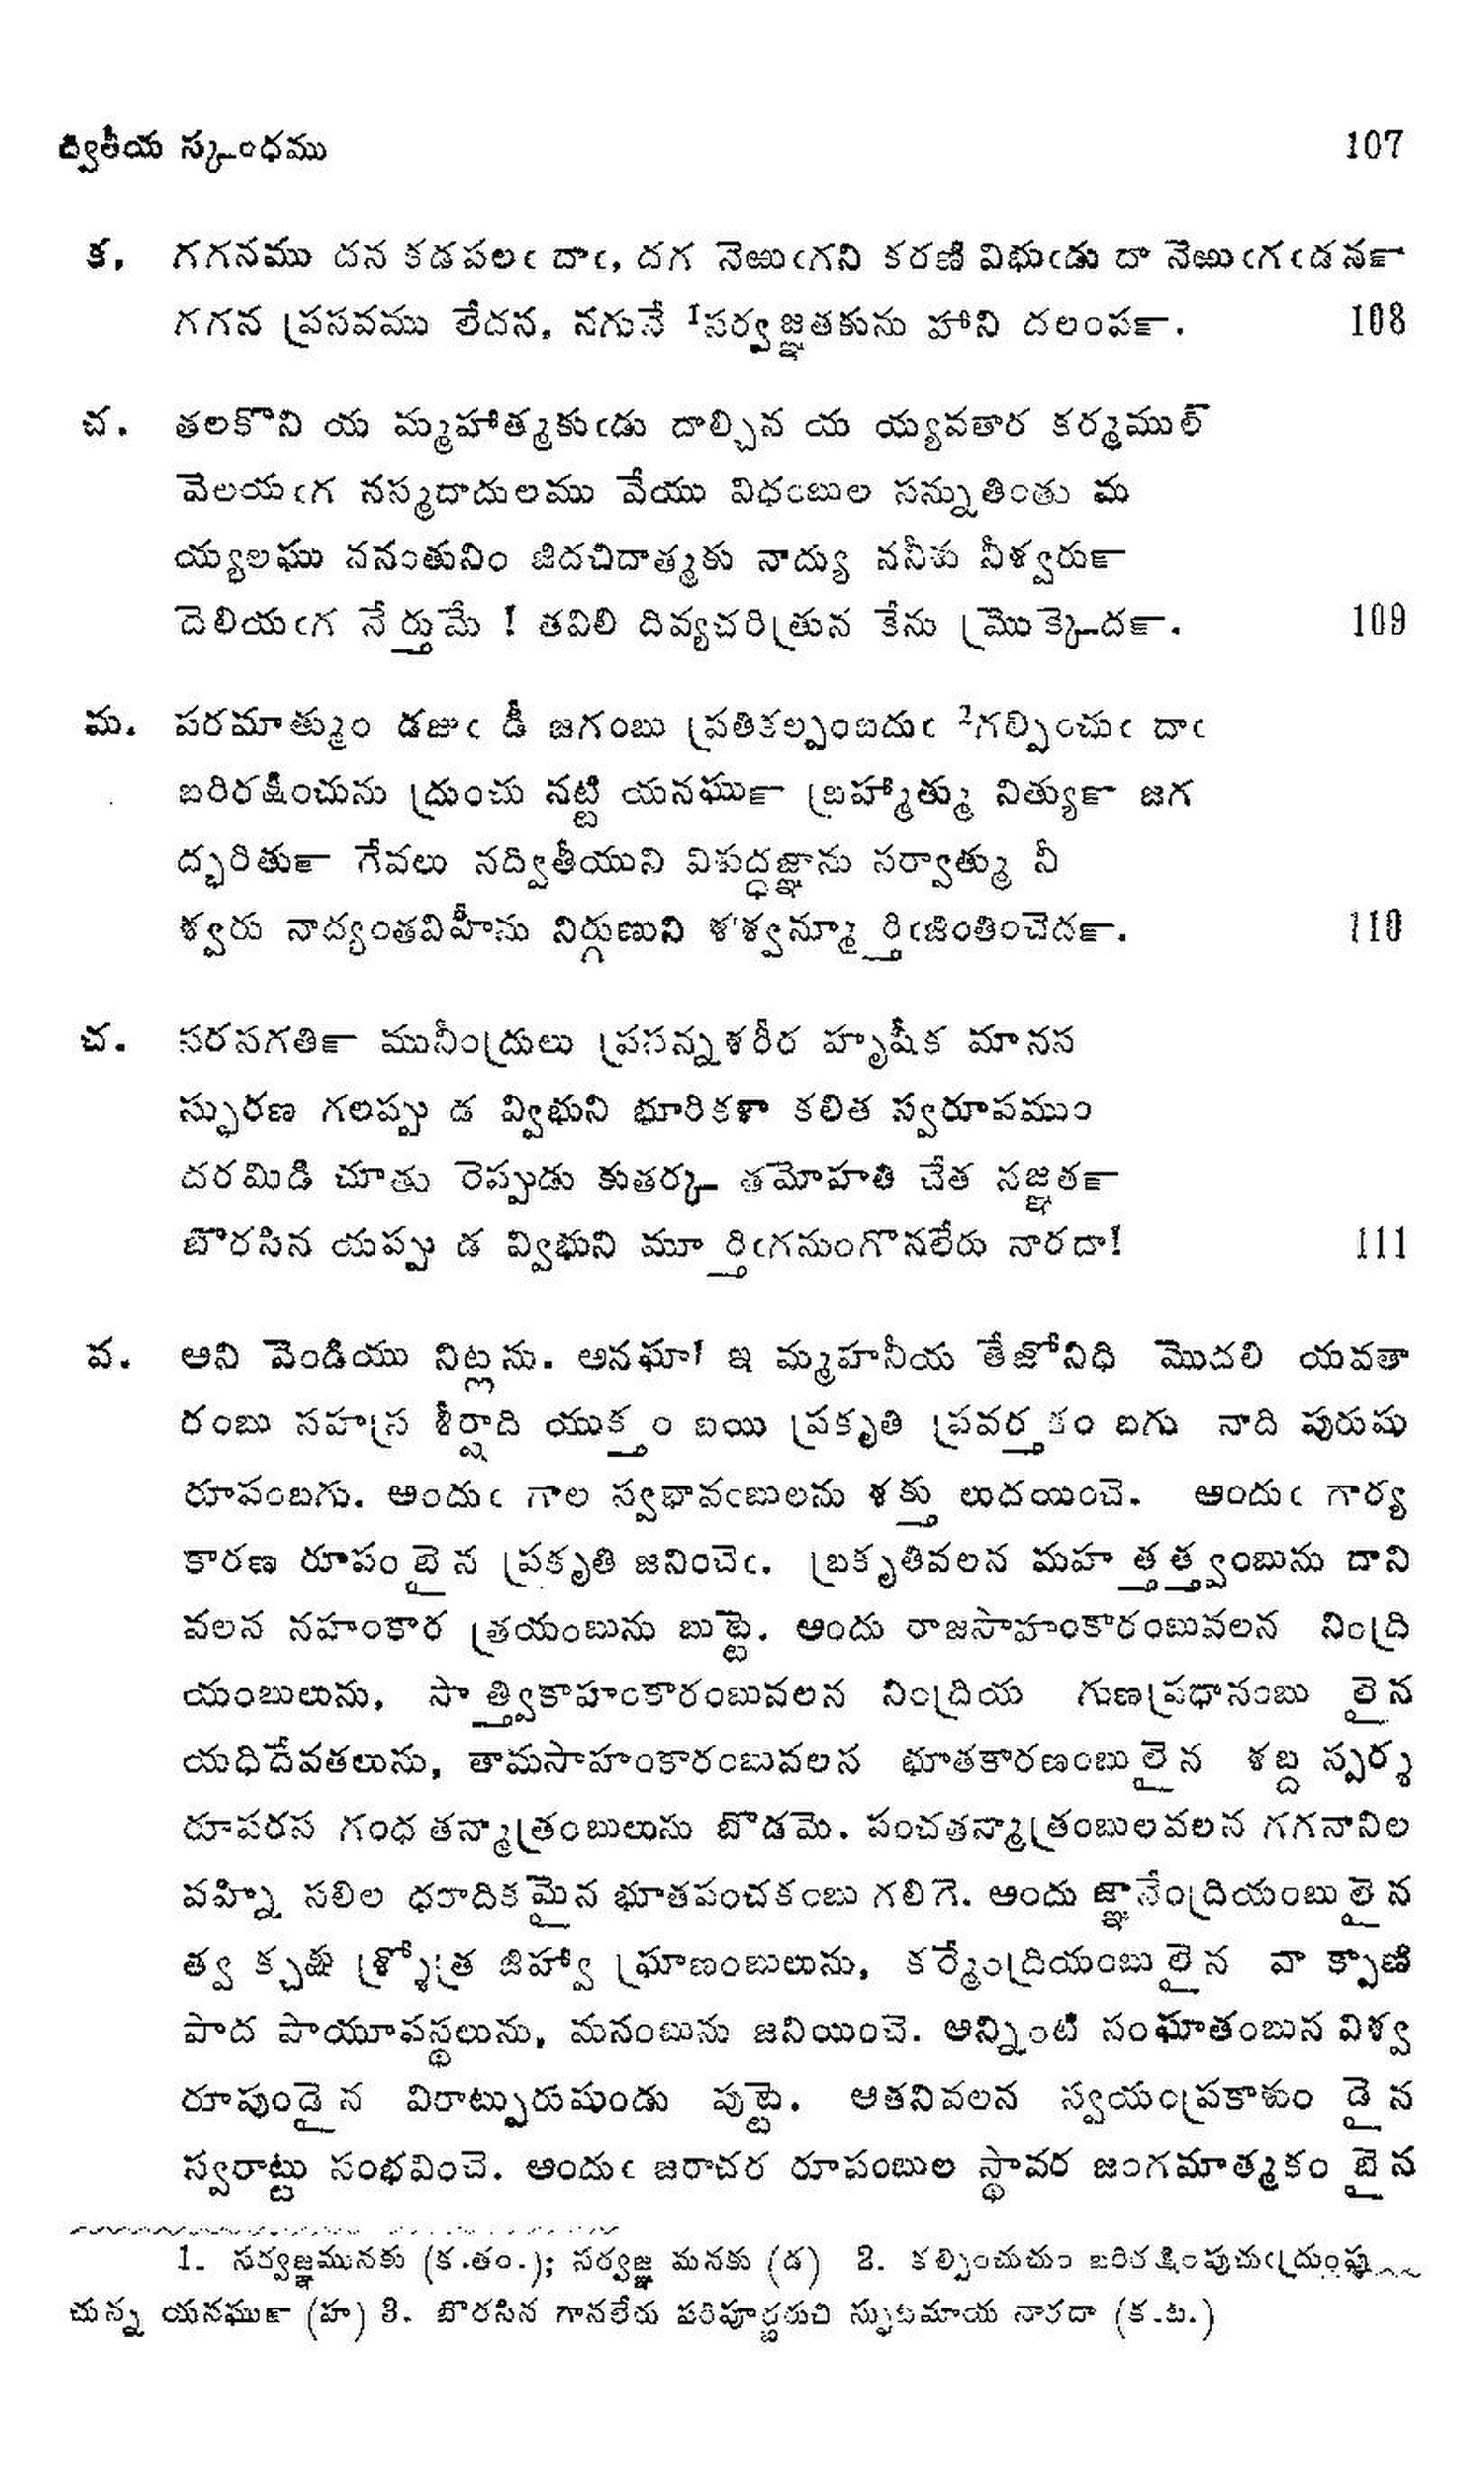107

క. గగనము దన కడవలఁదాఁ, దగ నెఱుఁగని కరణి విభుఁడు దా నెఱుఁగఁడనన్

గగన ప్రసవము లేదన, నగునే సర్వజ్ఞతకును హాని దలింపన్. ( 108 )

చ. తలకొని య మ్మహాత్మకుఁడు దాల్చిన య య్యవతార కర్మముల్

వెలయఁగ నస్మదాదులము వేయు విధంబుల సన్ను తింతు మ

య్యలఘ ననంతునిం జిదచిదాత్మకు నాద్యు ననీశు నీశ్వరున్

దెలియఁగ నేర్తుమే ! తవిలి దివ్యచరిత్రున కేను మ్రొక్కెదన్. ( 109 )

మ. పరమాత్ముం డజుఁ డీ జగంబు ప్రతికల్పంబందుఁ గల్పించుఁ దాఁ

బరిరక్షించును ద్రుంచు నట్టి యనఘున్ బ్రహ్మాత్ము నిత్యున్ జగ

ద్భరితున్ గేవలు నద్వితీయుని విశుద్ధజ్ఞాను సర్వాత్ము నీ

శ్వరు నాద్యంతవిహీను నిర్గుణుని శశ్వన్మూర్తిఁజింతించెదన్. ( 110 )

చ. సరసగతిన్ మునీంద్రులు ప్రసన్నశరీర హృషీక మానస

స్ఫురణ గలప్పు డ వ్విభుని భూరికళా కలిత స్వరూపముం

దరమిడి చూతు రెప్పడు కుతర్క తమోహతి చేత నజ్ఞతన్

బొరసిన యప్పు డ వ్విభుని మూర్తిఁగనుంగొనలేరు నారదా! ( 111 )

వ. అని వెండియు నిట్లను. అనఘా! ఇ మ్మహనీయ తేజోనిధి మొదలి యవతారంబు సహస్ర శీర్షాది యుక్తంబయి ప్రకృతి ప్రవర్తకం బగు నాది పురుషు రూపంబగు. అందుఁ గాల స్వభాషంబులను శక్తు లుదయించె. అందుఁ గార్య కారణ రూపంబైన ప్రకృతి జనించెఁ. బ్రకృతివలన మహత్తత్త్వంబును దాని వలన నహంకార త్రయంబును బుట్టె. అందు రాజసహంకారంబువలన నింద్రియంబులను, సాత్త్వికాహంకారంబువలన నింద్రియ గుణప్రధానంబు లైన యధిదేవతలును, తామసాహంకారంబువలన భూతకారణంబులైన శబ్ద స్పర్శ రూపరస గంధ తన్మాత్రంబులను బొడమె. పంచతన్మాత్రంబులవలన గగనానిలవహ్ని సలిల ధరాదికమైన భూత పంచకంబు గలిగె. అందు జ్ఞానేంద్రియంబులైన త్వక్చక్షు శ్శ్రోత్ర జిహ్వఘ్రాణంబులును, కర్మేంద్రియంబులైన వాక్పాణి పాద పాయూపస్థలును, మనంబును జనియించె. అన్నింటి సంఘాతంబున విశ్వరూపుండైన విరాట్పురుషుండు పుట్టె. అతనివలన స్వయంప్రకాశుండైన స్వరాట్టు సంభవించె. అందుఁ జరాచర రూపంబుల స్థావర జంగమాత్మకంబైన